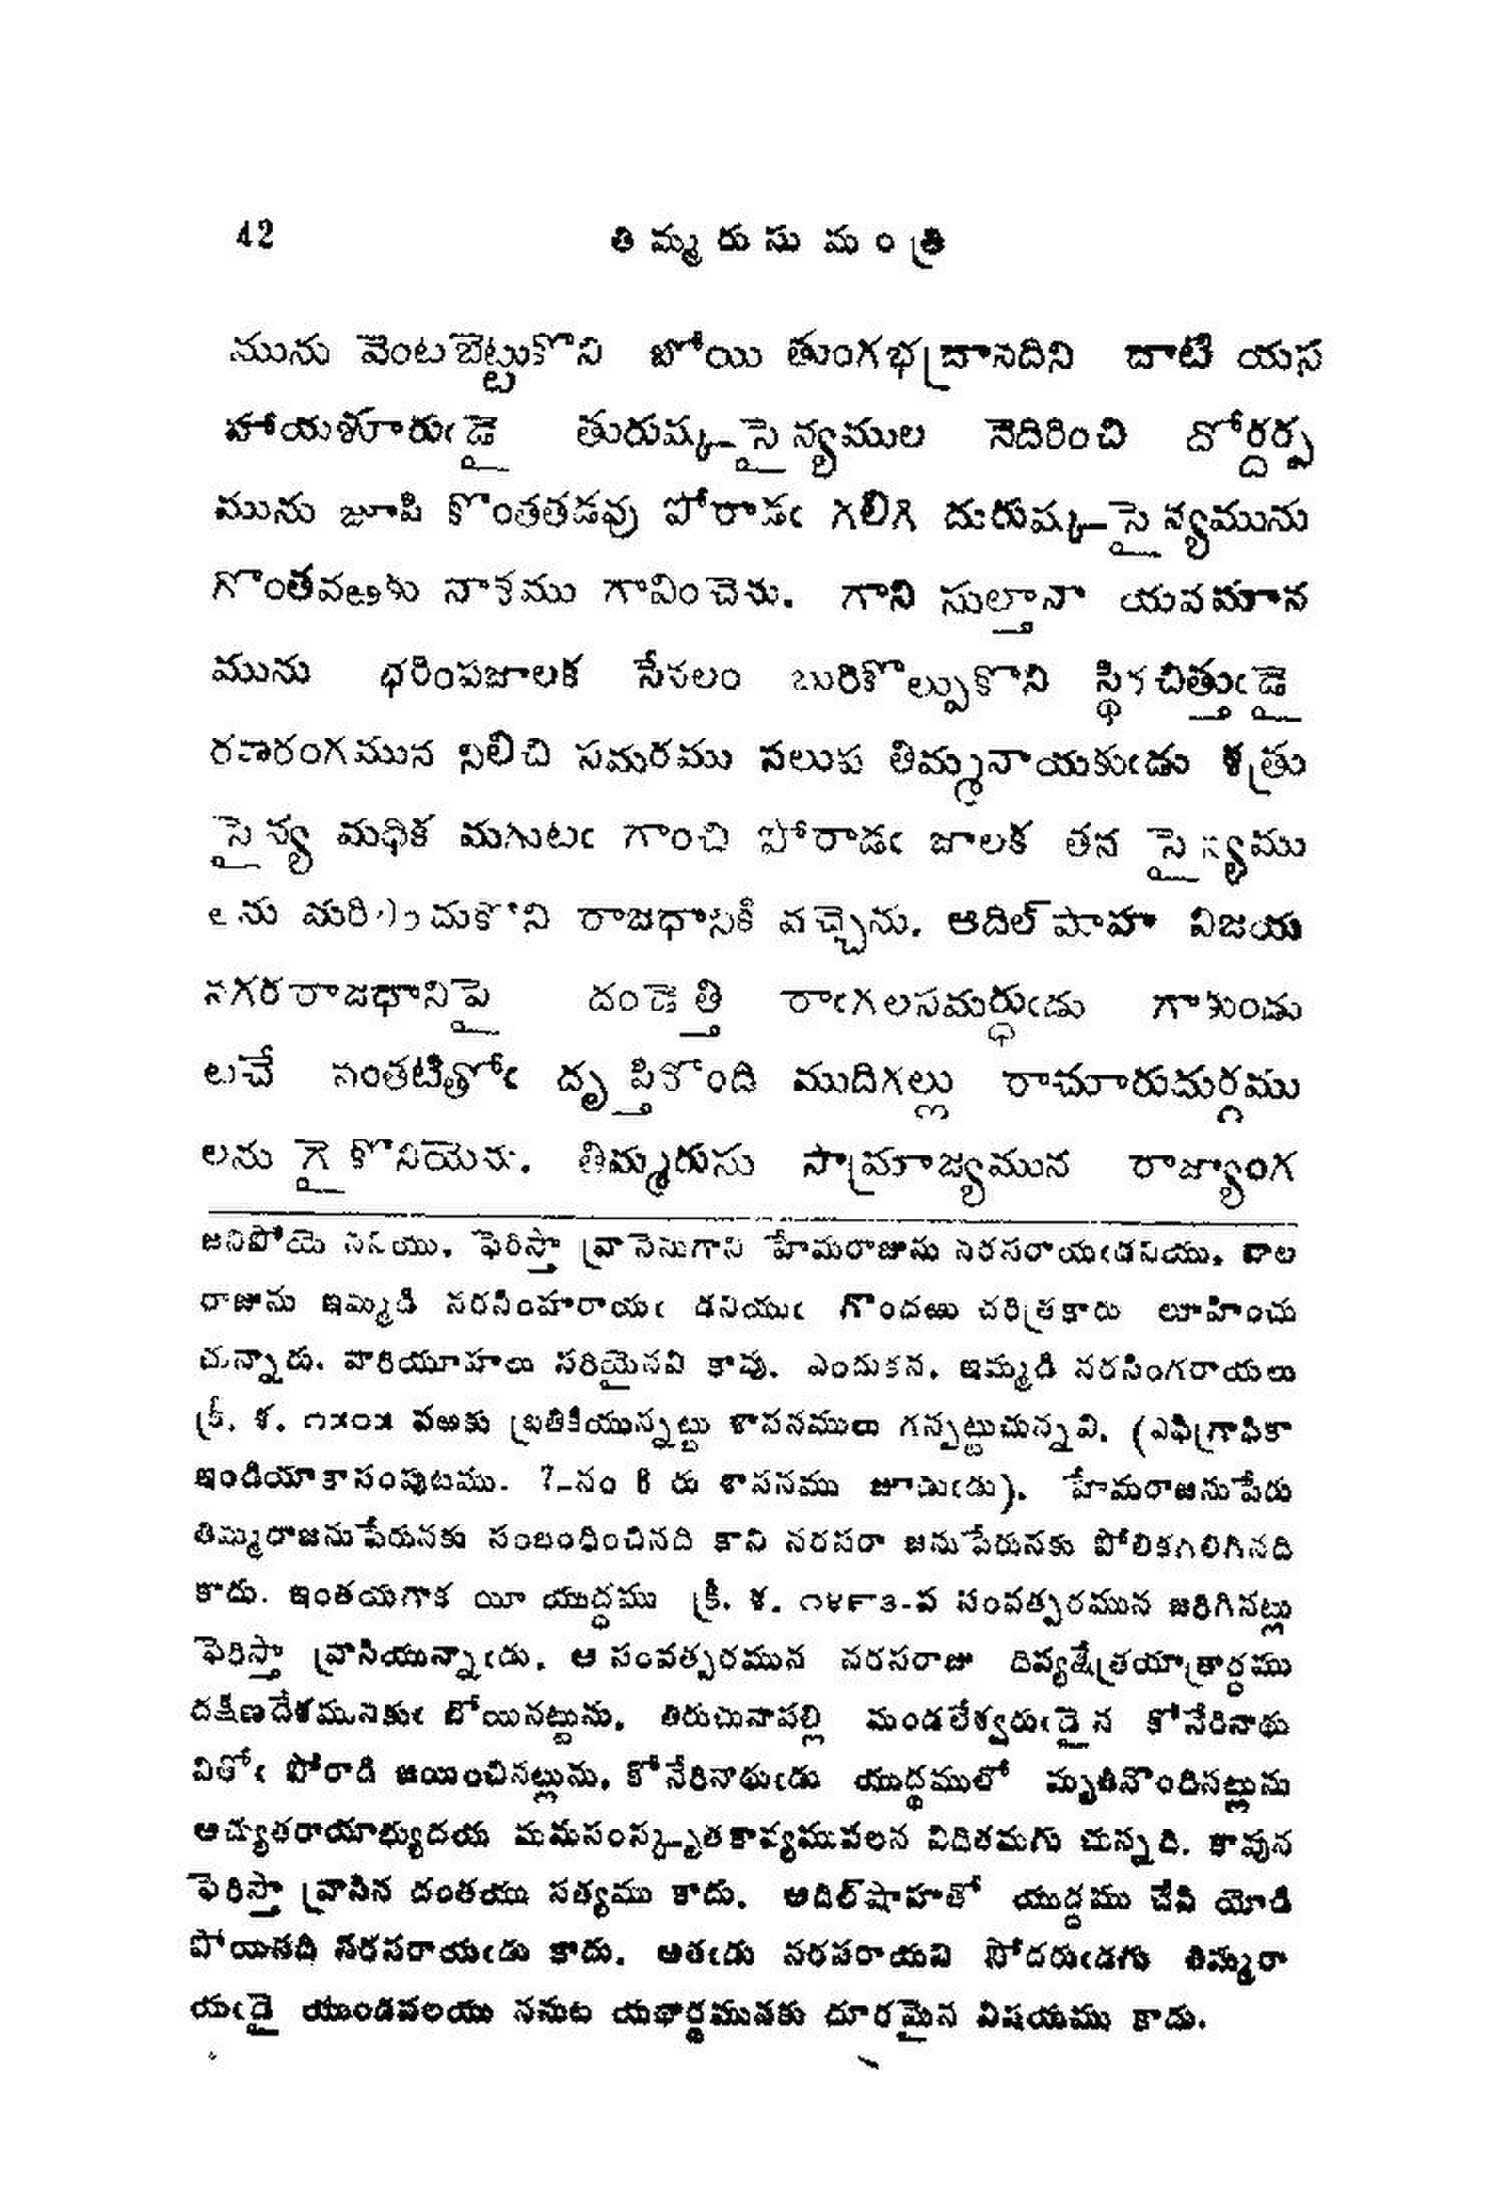మును వెంటబెట్టుకొని బోయి తుంగభద్రానదిని దాటి యసహాయశూరుఁడై తురుష్క సైన్యముల నెదిరించి దోర్దర్పమును జూపి కొంతతడవు పోరాడఁ గలిగి దురుష్కసైన్యమును గొంతవఱకు నాశము గావించెను. గాని సుల్తానా యవమానమును భరింపజాలక సేనలం బురికొల్పుకొని స్థిరచిత్తుడై రణరంగమున నిలిచి సమరము సలుప తిమ్మనాయకుఁడు శత్రుసైన్య మధిక మగుటఁ గాంచి పోరాడఁ జాలక తన సైన్యములను మరిలించుకొని రాజధానికి వచ్చెను. ఆదిల్‌షాహ విజయనగరరాజధానిపై దండెత్తి రాఁగలసమర్ధుఁడు గాకుండుటచే నంతటితోఁ దృప్తినొంది ముదిగల్లు రాచూరుదుర్గములను గైకొనియెను. తిమ్మరుసు సామ్రాజ్యమున రాజ్యాంగ